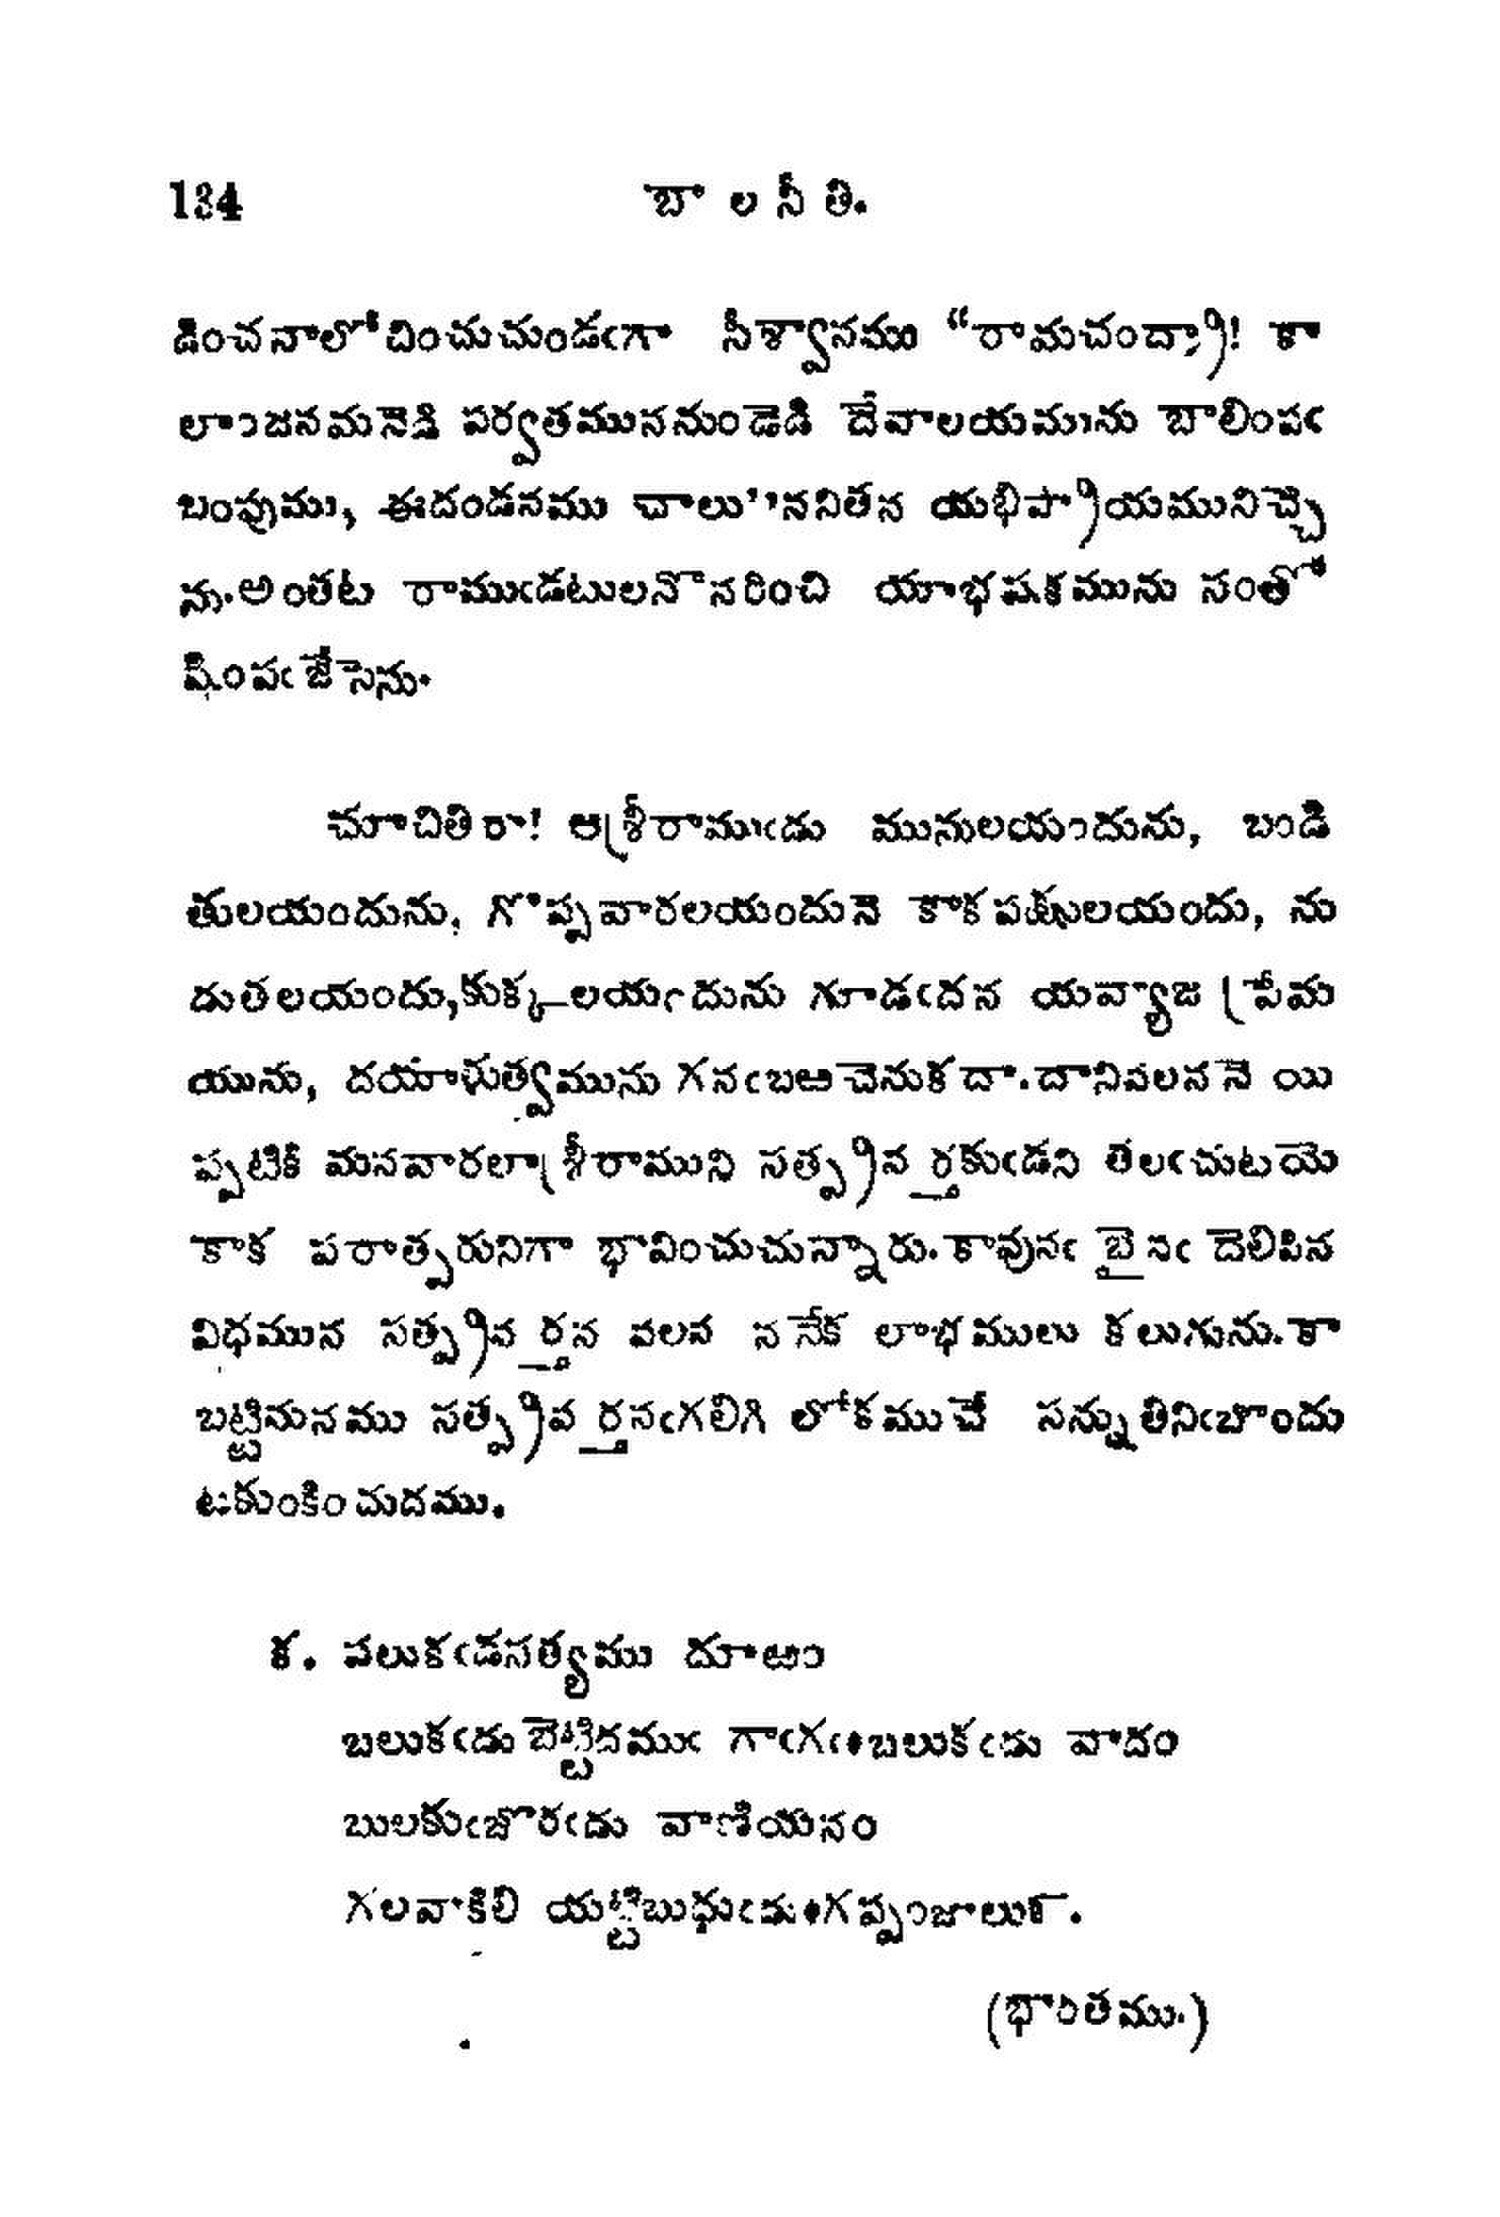డించనాలోచించుచుండఁగా నీశ్వానము "రామచంద్రా! కా
లాంజనమనెడి పర్వతముననుండెడి దేవాలయమును బాలింపఁ
బంపుము, ఈదండనము చాలు"నని తన యభిప్రాయమునిచ్చె
ను. అంతట రాముఁడటులనొనరించి యాభషకమును సంతో
షింపఁజేసెను.

చూచితిరా! ఆశ్రీరాముఁడు మునులయందును, బండి
తులయందును, గొప్పవారలయందునె కాక పక్షులయందు, ను
డుతలయందు, కుక్కలయందును గూడఁదన యవ్యాజ ప్రేమ
యును, దయాళుత్వమును గనఁబఱచెనుకదా. దానివలననె యి
ప్పటికి మనవారలాశ్రీరాముని సత్ప్రవర్తకుఁడని తలఁచుటయె
కాక పరాత్పరునిగా భావించుచున్నారు. కావునఁ బైనఁ దెలిపిన 
విధమున సత్ప్రవర్తన వలన ననేక లాభములు కలుగును. కా
బట్టిమనము సత్ప్రవర్తనఁగలిగి లోకముచే సన్నుతినిఁబొందు
టకుంకించుదము.

క. పలుకఁడసత్యము దూఱం
 బలుకఁడు బెట్టిదముఁ గాఁగఁ♦బలుకఁడు వాదం
 బులకుఁజొరఁడు వాణియనం
 గలవాకిలి యట్టిబుధుఁడు♦గప్పంజాలున్ 
 (భారతము.)